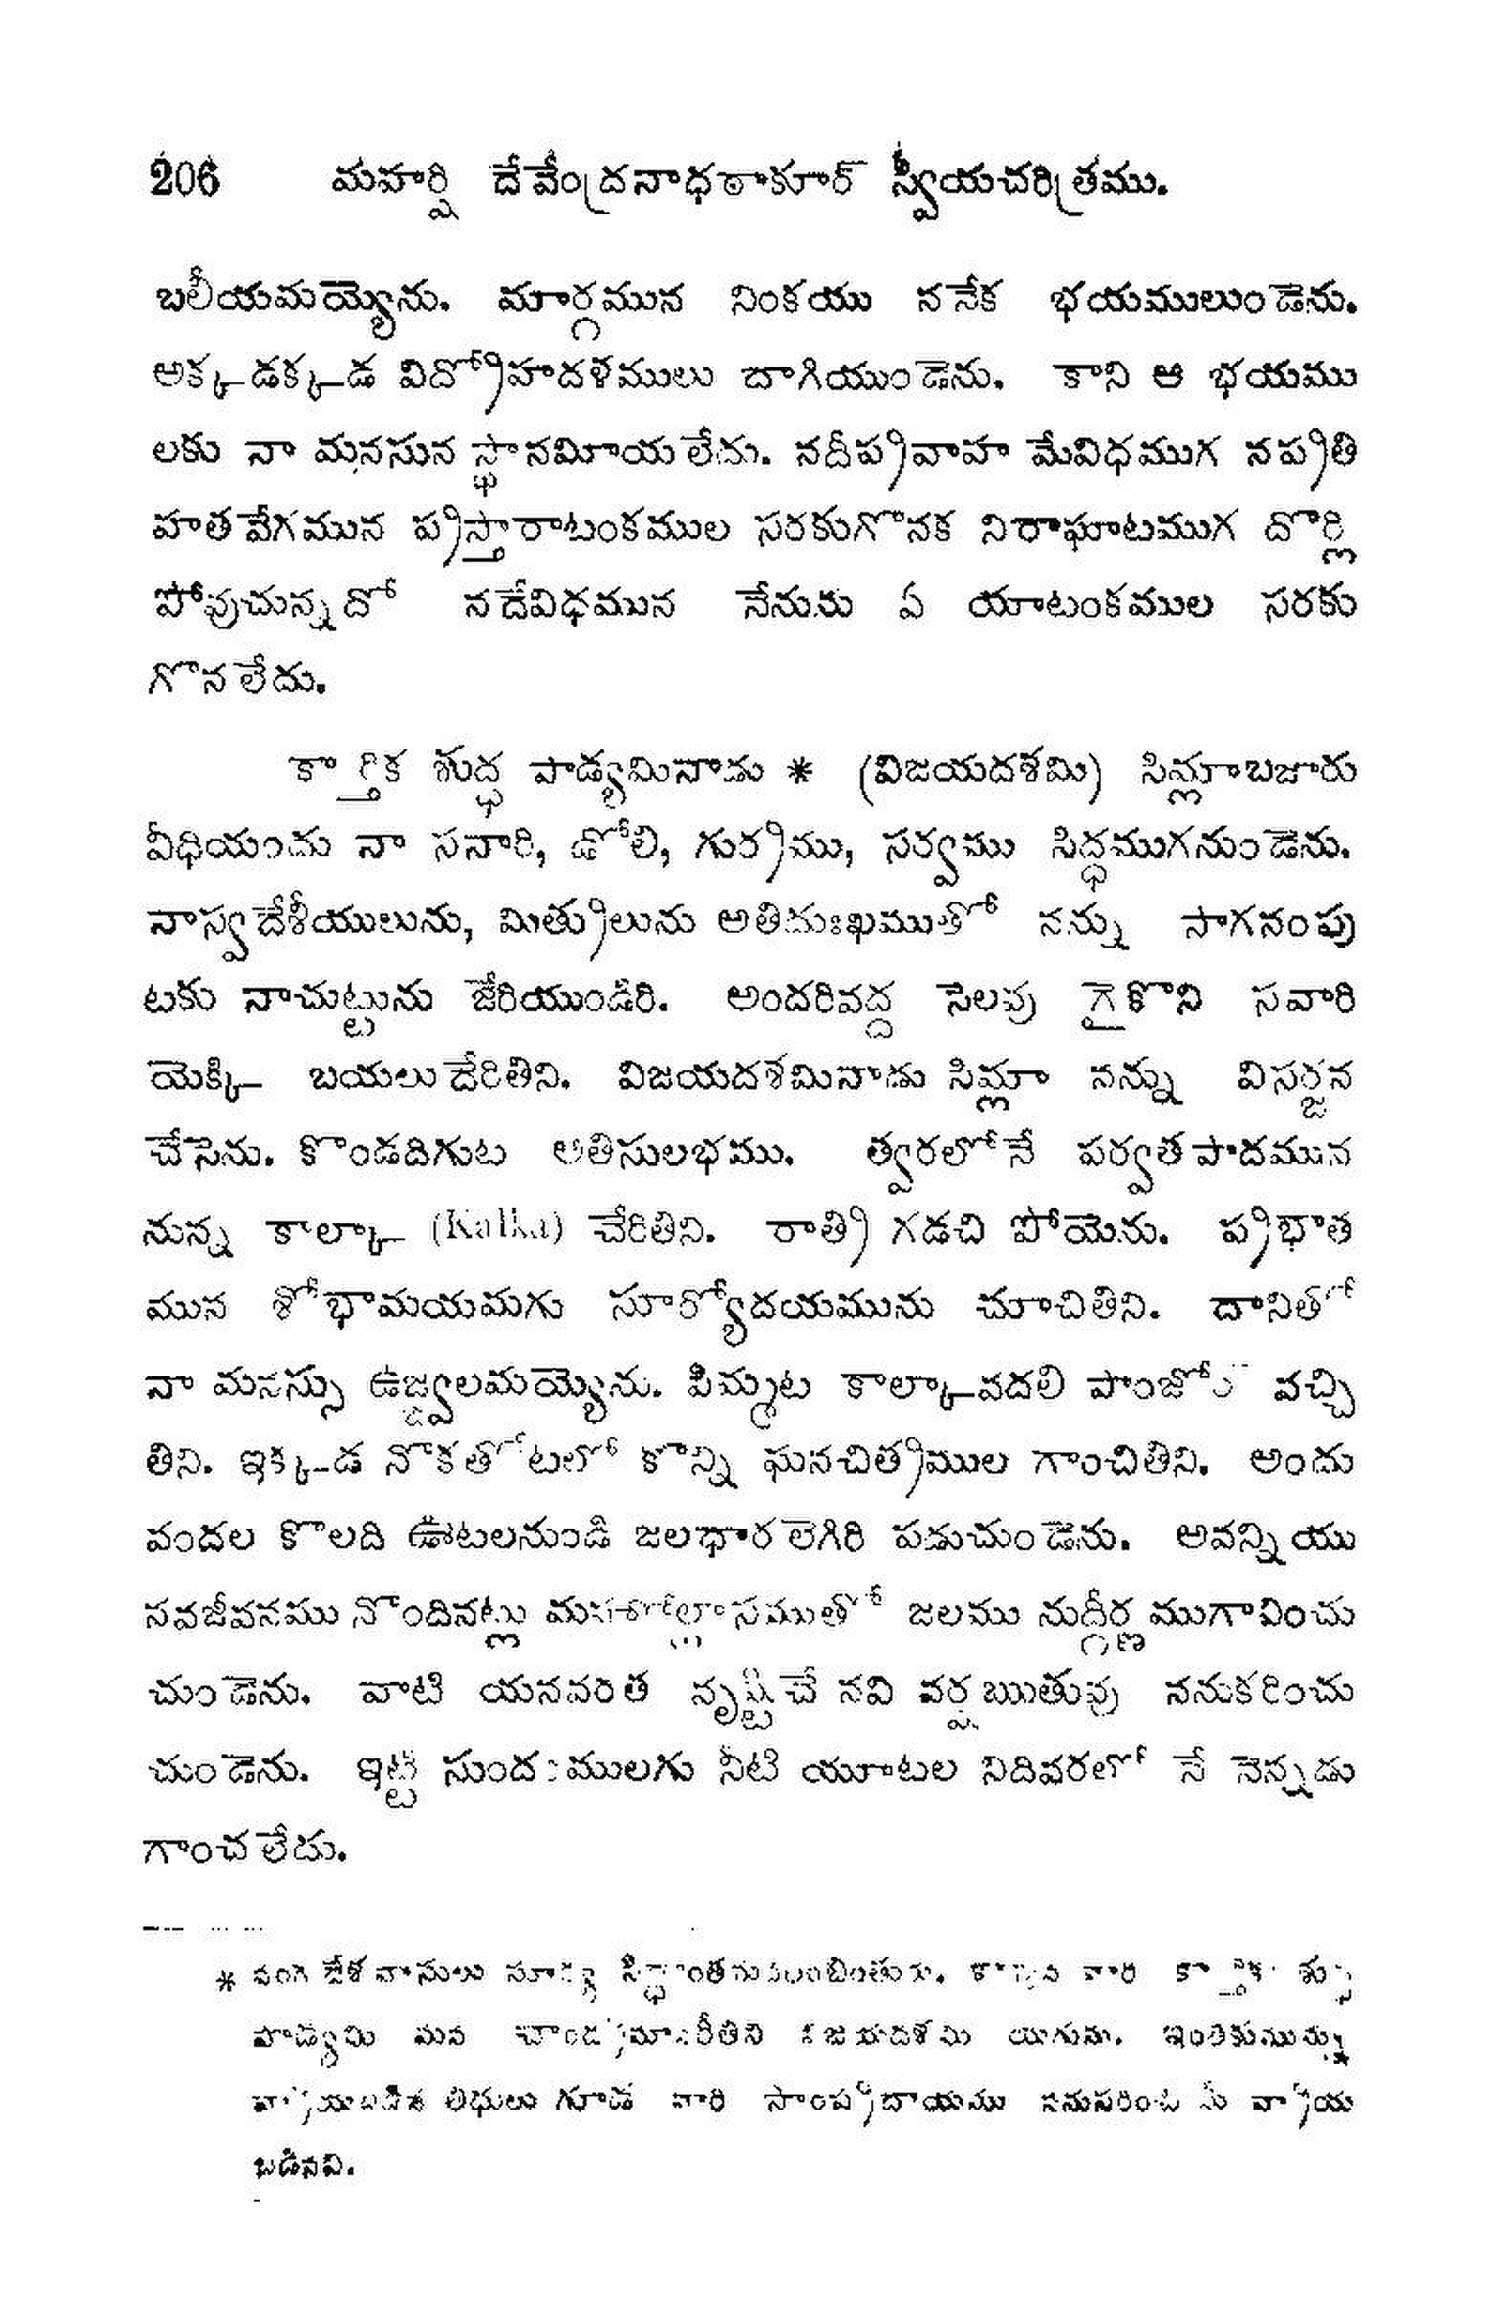బలీయమయ్యెను. మార్గమున నింకయు ననేక భయములుండెను.
అక్కడక్కడ విద్రోహ దళములు దాగియుండెను. కాని ఆభయము
లకు నా మనసున స్థానమీయ లేదు. నదీ ప్రవాహ మేవిధముగ నప్రతి
హత వేగమున ప్రస్తారాటంకముల సరకుగొనక నిరాఘాటముగ దొర్లి
పోవుచున్నదో నదేవిధమున నేనును ఏ యాటంకములసరకు గొన లేదు.

కార్తిక శుద్ధ పాడ్యమినాడు * (విజయదశమి) సీమ్లా బజారువీధియందు నా సనారి, 
డోలి, గుర్రము, సర్వము సిద్ధసిదముగనుండెను.నాస్వ దేశీయులును, 
మిత్రులును అతి దుఃఖముతో నన్ను సాగనంపు
టకు నాచుట్టును జేరియుండిరి.అందరివద్ద సెలవు గైకొని సవారి
యెక్కి బయలు దేరితిని, విజయదశమినాడు సిమ్లా నన్ను విసర్జన
చేసెను. కొండదిగుట అతిసులభము. త్వరలోనే పర్వత పాదమున
నున్న కాల్కా (kalka) చేరితిని. రాత్రి గడచి పోయేను. ప్రభాతమున
శోభామయమగు సూర్యోదయమును చూచితిని. దానితోనా మనస్సు 
ఉజ్జ్వలమయ్యెను. పిమ్మట కాల్కా వదలి పొంజో వచ్చితిని. ఇక్కడ 
నొకతట్టలో కొన్ని ఘన చిత్రముల గాంచితిని. అందువందల కొలది 
ఊటలనుండి జలధార లెగిరి పడుచుండెను. అవన్నియు సవజీవనము 
నొందినట్లు మహోల్లాసముతో జలము నుదీర్ఘ ముగావించుచుండెను, 
వాటి యనవరత సృష్టిచే నవి వర్ష ఋతువు ననుకరించుచుండెను. 
ఇట్టి సుందరములగు నీటి యూటల నిదివరలో నే నెన్నడు
గాంచలేదు.